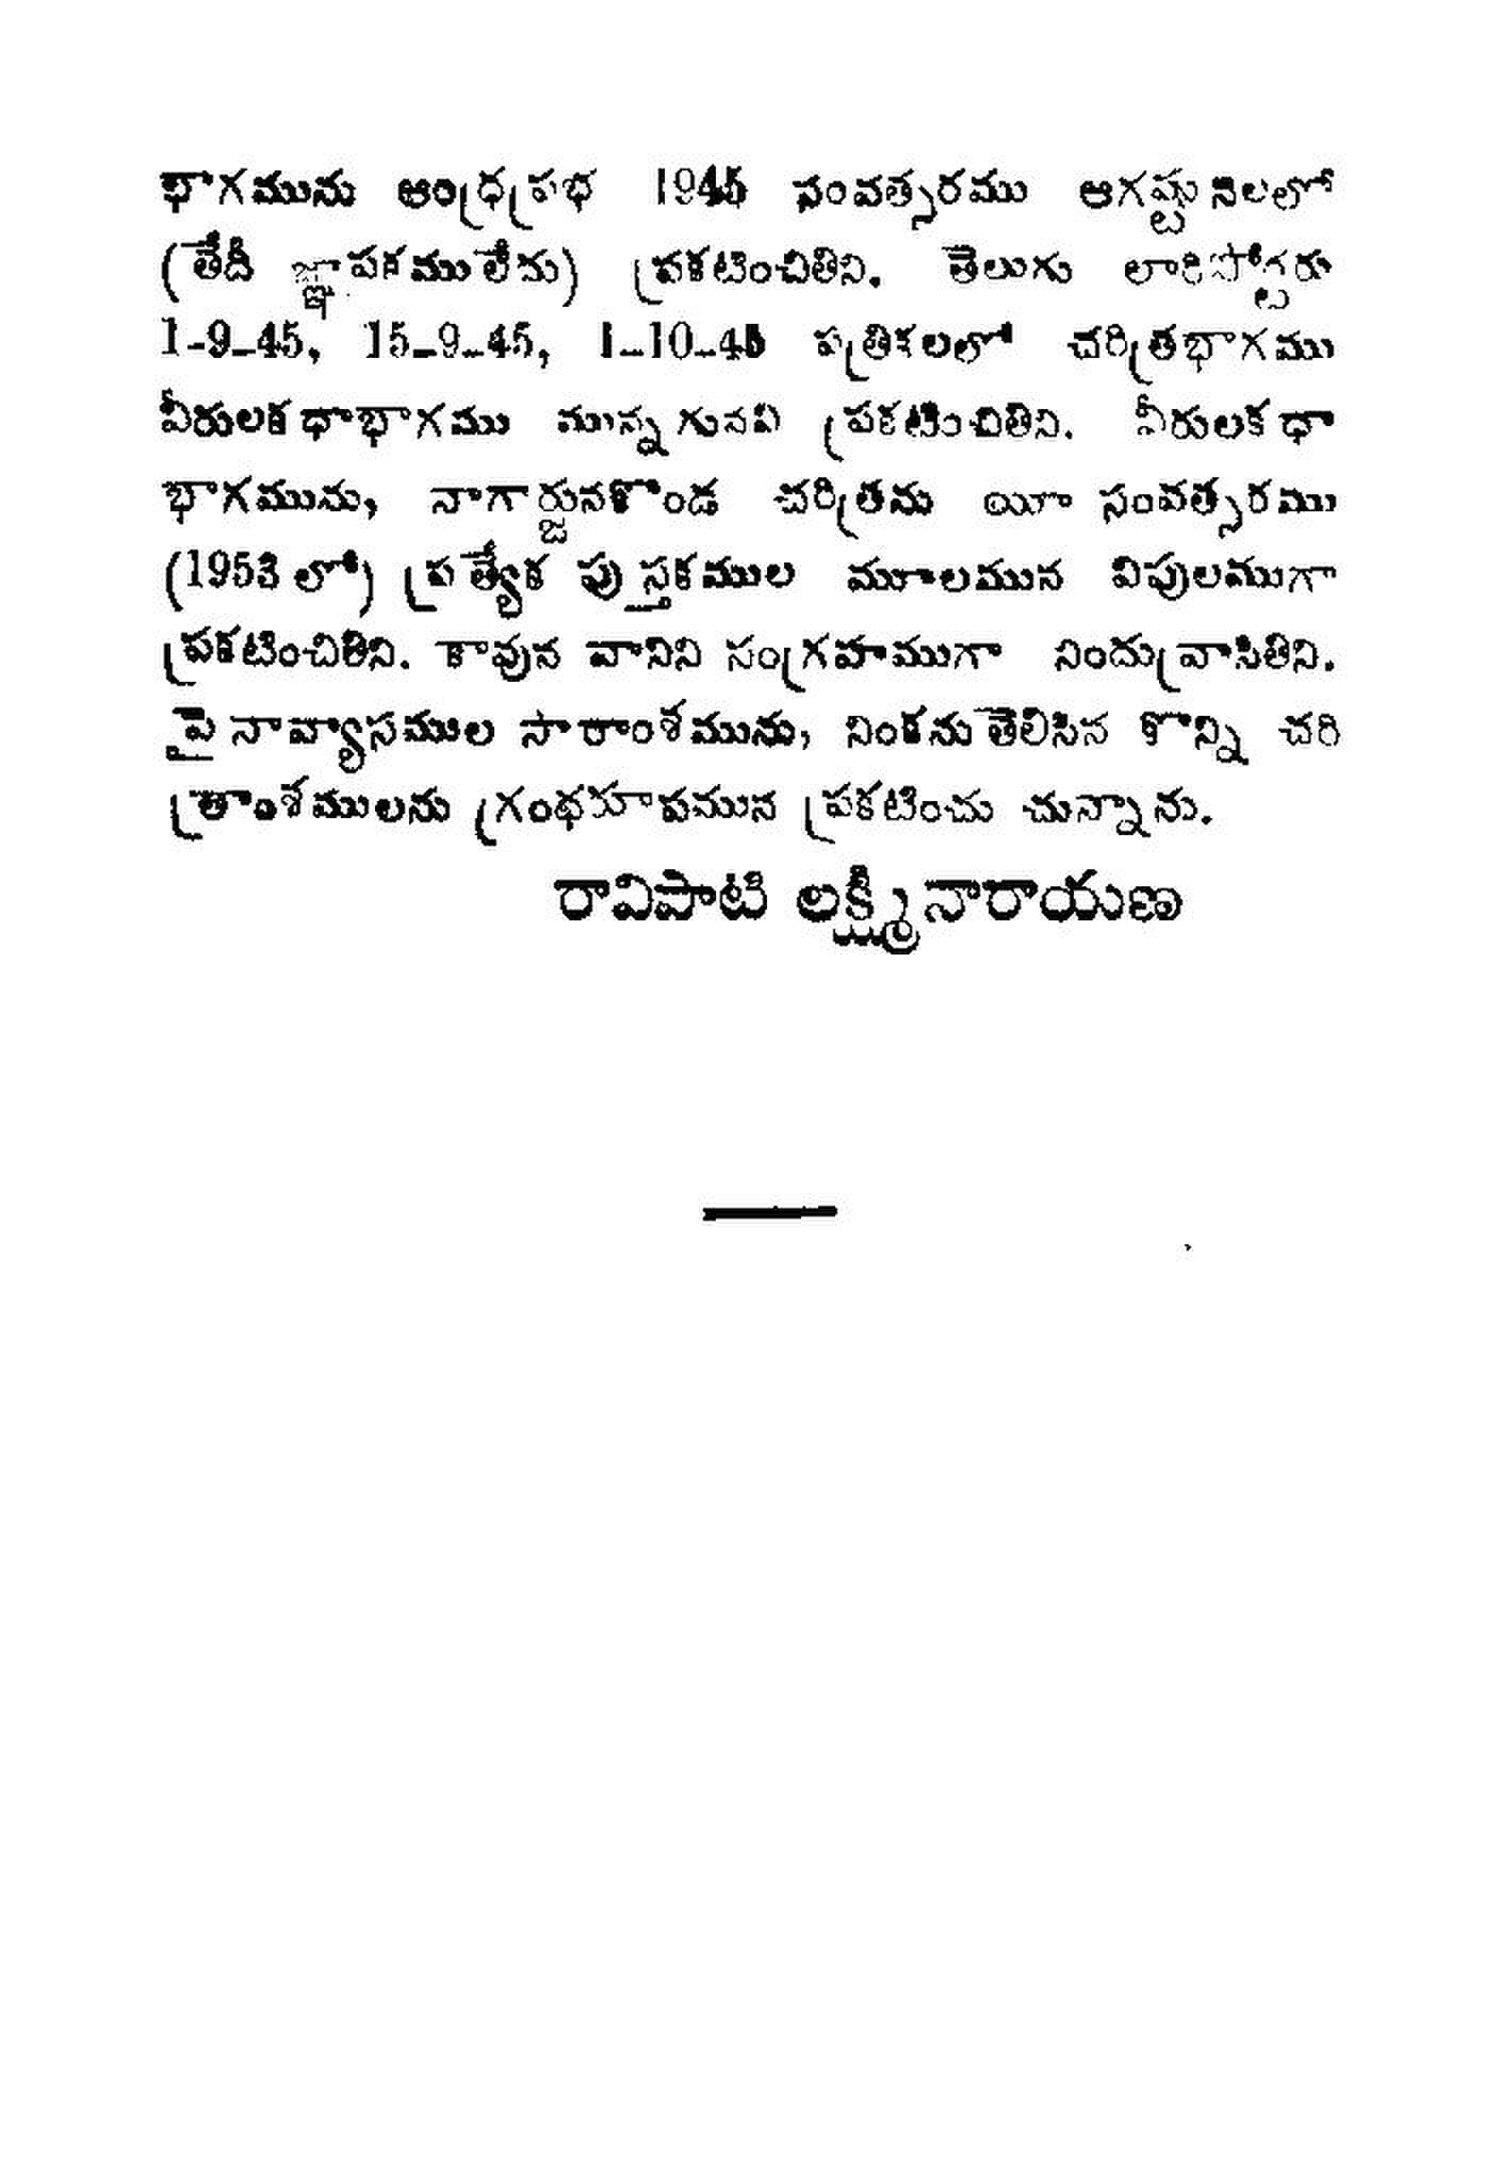భాగమును ఆంధ్రప్రభ 1945 సంవత్సరము ఆగష్టు నెలలో
(తేదీ జ్ఞాపకములేదు) ప్రకటించితిని, తెలుగు లారిపోర్టరు 
1-9-45, 15-9-45, 1-10-45 పత్రికలలో చరిత్రభాగము
వీరులకథాభాగము మున్నగునవి ప్రకటించితిని. వీరులకధా
భాగమును, నాగార్జునకొండ చరిత్రను యీ సంవత్సరము
(1953 లో ప్రత్యేక పుస్తకములు మూలమున విపులముగా
ప్రకటించితిని. కావున వానిని సంగ్రహముగా నిందువ్రాసితిని.
పై నావ్యాసముల సారాంశమును, నింకను తెలిసిన కొన్ని చరి
త్రాంశములను గ్రంథరూపమున ప్రకటించు చున్నాను.